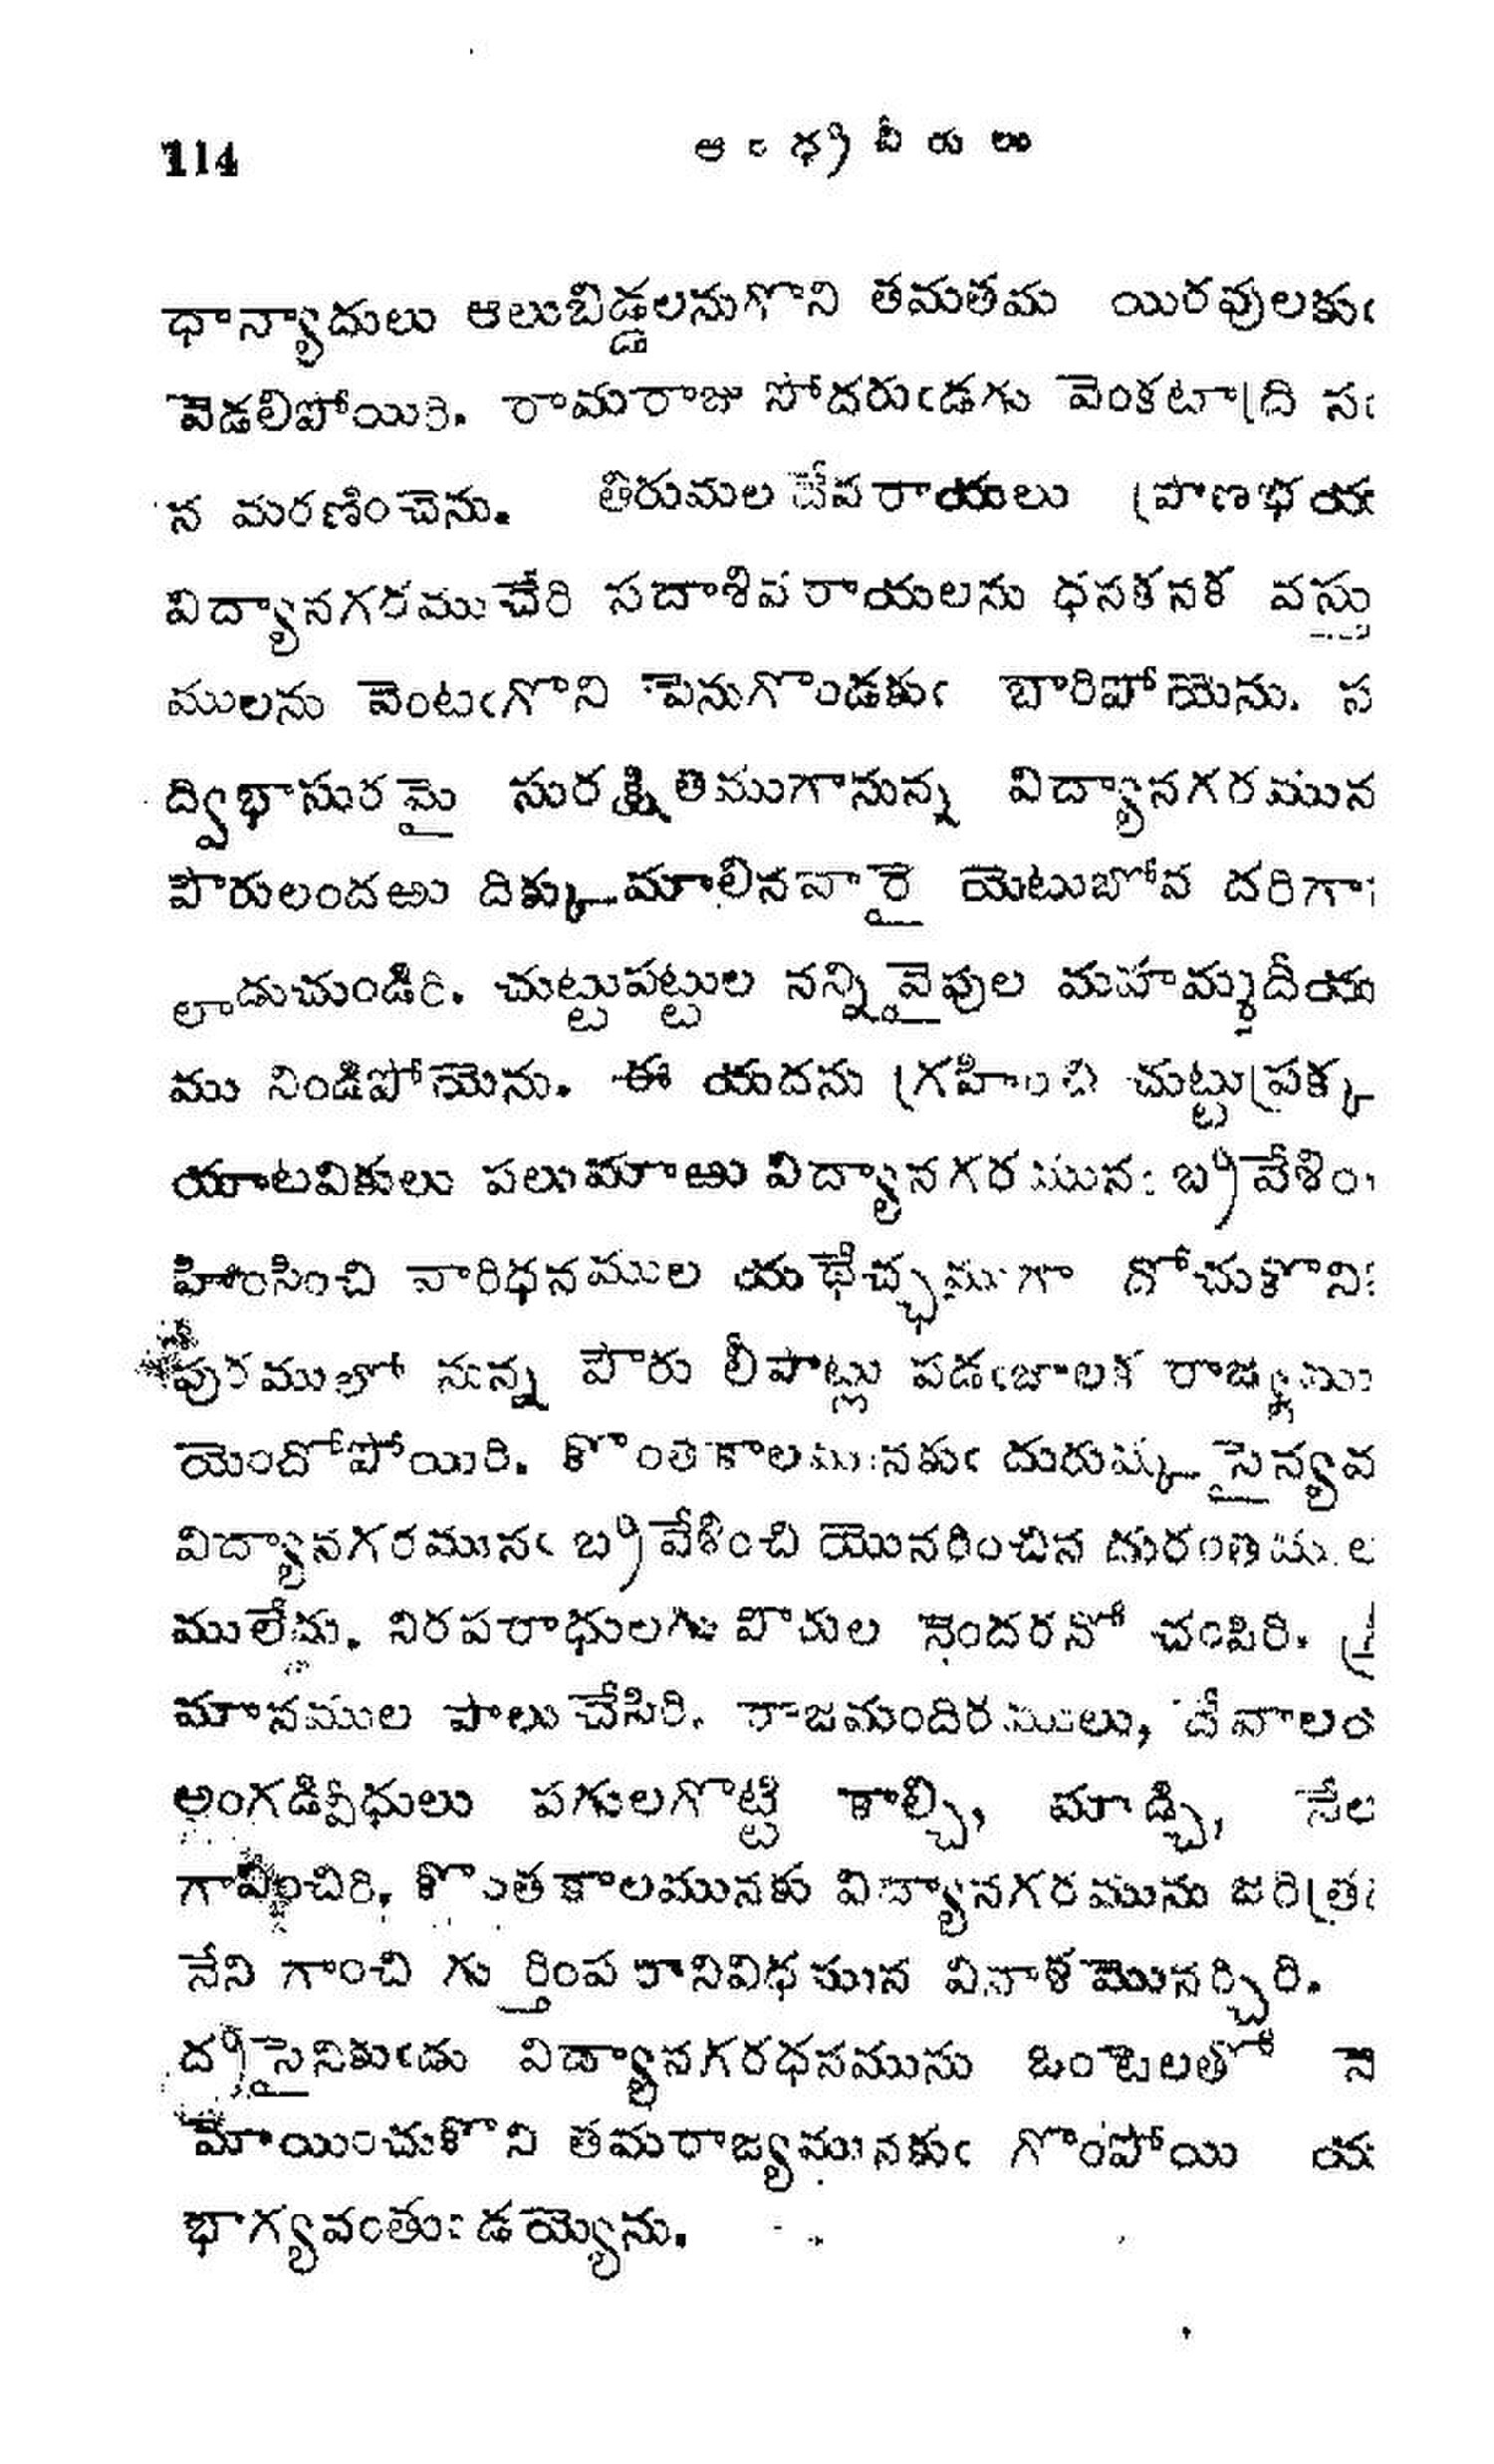114

ధాన్యాదులు ఆలు బిడ్డలను గొని తమ తమ యిరవులకు....
వెడలిపోయిరి. రామరాజు సోదరుడగు వెంకటాద్రి సంగ్రామమున మరణించెను. తిరుమల దేవ రాయలు ప్రాణభయ చేత విద్యానగరము చేరి సదాశివ రాయలను ధనకనక వస్తు వాహన ములను వెంటగొని పెనుగొండకు బారి పోయెను. సర్వతీ ద్విభాసురమై సురక్షితముగా నున్న విద్యానగరమునందకు పౌరులందఱు దిక్కుమాలిన వారై యెటుబోవ దరిగానక గడగడ లాడుచుండిరి. చుట్టుపట్టుల నన్ని వైపుల మహమ్మదీయ సైన్యము నిండిపోయెను. ఈ యదను గ్రహించి చుట్టుప్రక్కల నున్న యాటవికులు పలుమాఱు విద్యానగరమున బ్రవేశించి ప్రజలను
హింసించి వారి ధనములను యధేచ్ఛముగా దోచుకొనిరి. 
పురములో నున్న పౌరులీపాట్లు పడజాలక రాజ్యము విడచి 
యెందో పోయిరి. కొంతకాలమునకు దురుష్క సైన్యము మరల విద్యానగరమున బ్రవేశించి యెనరించిన దురంతములకు అంతములేదు. నిరపరాధులగు పౌరుల నెందరనో చంపిరి. అవ మానముల పాలుచేసిరి. రాజ మందిరములు, దేవాలయ అంగడి వీధులు, పగులగొట్టి కాల్చి, మాడ్చి, నేలమట్టము గావించిరి. కొంతకాలమునకు విధ్యానగరమను జరిత్రలో దేనినేని గాంచి గుర్తింప రాని విధమున వినాశమొనర్చిరి. .......ద్ర సైనికుడు విద్యానగర ధనమును ఒంటెలతో నెక్కించి మోయించుకొని తమ రాజ్యనకు గొంపోయి యందు భాగ్యవంతుడయ్యెను.